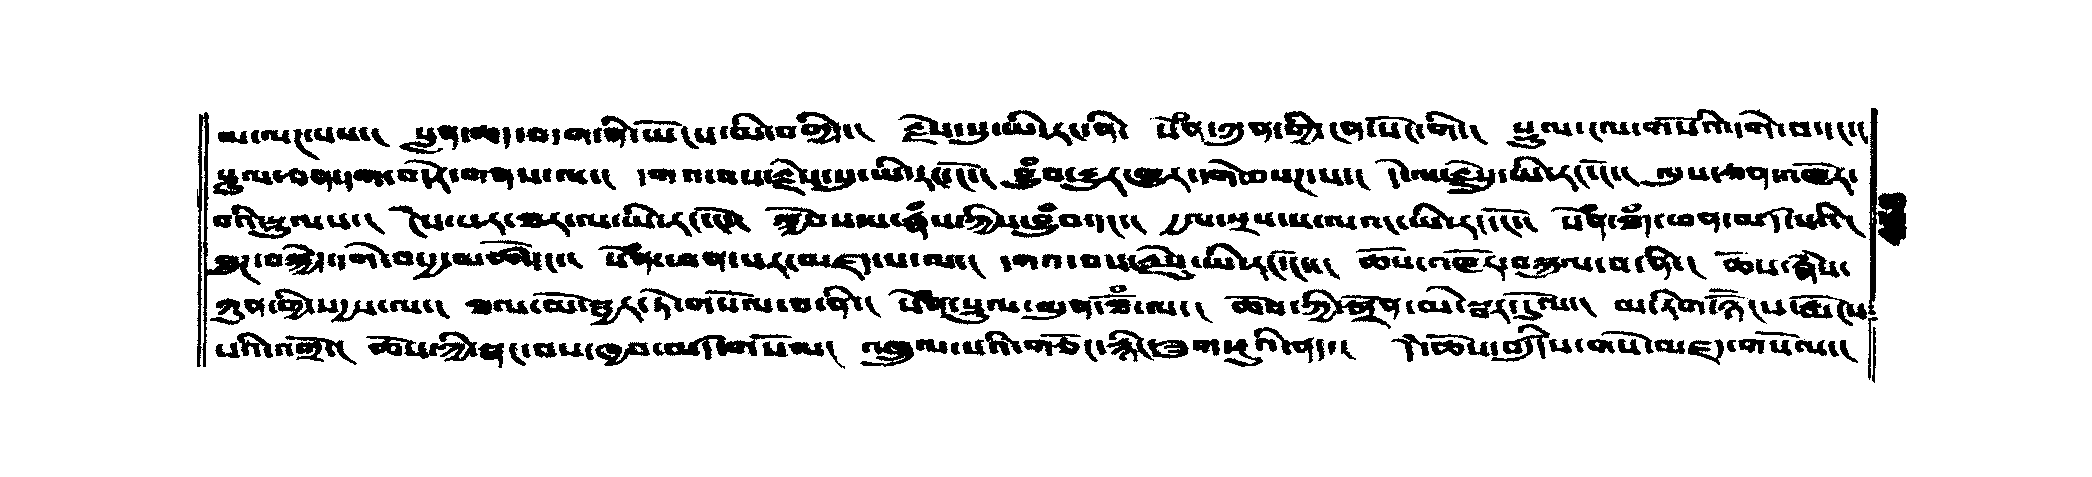མ་ལགས་པས། །སླན་ཆད་བདག་ནི་ཡོངས་མི་བགྱི། །རྗེས་སུ་ཡི་རང་ནི།སེམས་ཅན་ཀུན་གྱི་ངན་སོང་གི་། སྡུག་བསྔལ་ངལ་གསོའི་དགེ་བ་དང་། 
སྡུག་བསྔལ་ཅན་དག་བདེར་གནས་ལ། །དགའ་བས་རྗེས་སུ་ཡི་རང་ངོ་། །བྱང་ཆུབ་རྒྱུར་གྱུར་དགེ་བསགས་པ། །དེ་ལ་རྗེས་སུ་ཡི་རང་ངོ་། ལུས་ཅན་འཁོར་
བའི་སྡུག་བསྔལ་ལས། །ངེས་པར་ཐར་ལ་ཡི་རང་ངོ་། །སྐྱོབས་པ་རྣམས་ཀྱིས་བྱང་ཆུབ་དང་། །རྒྱལ་སྲས་ས་ལའང་ཡི་རང་ངོ་། །སེམས་ཅན་ཐམས་ཅད་ཕན་མཛད་པའི། །
ཐུགས་བསྐྱེད་དགེ་བ་རྒྱ་མཚོ་དང་། །སེམས་ཅན་ཕན་པར་མཛད་པ་ལ། །དགའ་བས་རྗེས་སུ་ཡི་རང་ངོ་། ཆོས་བསྐོར་བསྐུལ་བ་ནི། ཕྱོགས་རྣམས་
ཀུན་གྱི་སངས་རྒྱས་ལ། །ཐལ་མོ་སྦྱར་ཏེ་གསོལ་བ་ནི། །སེམས་ཅན་སྡུག་བསྔལ་མུན་ཐུམ་ལ། །ཆོས་ཀྱི་སྒྲོན་མེ་སྤར་དུ་གསོལ། །མ་རིག་ཉོན་མོངས་རྨོངས་
པའི་འགྲོ་།ཆོས་ཀྱི་སྣང་བས་ཁྱབ་མཛད་གསོལ། །འཁྲུལ་བའི་གཅོང་རྙིང་ཟུག་རྔུའི་ནད། །དམ་ཆོས་བདུད་རྩི་གསོ་མཛད་གསོལ། །